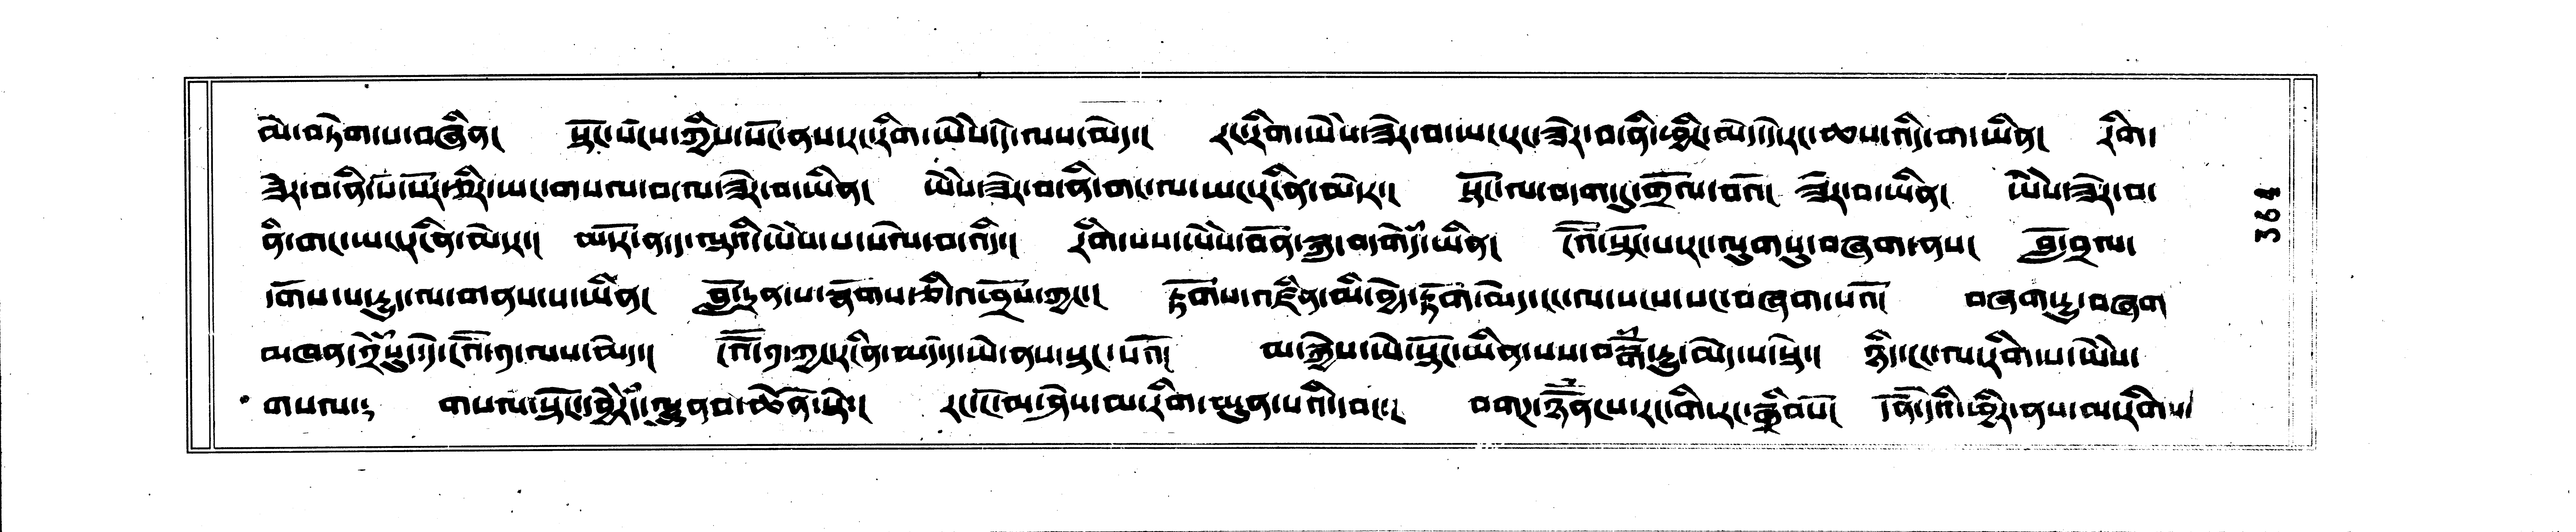མེ་བཏེག་པ་བཞིན་སྟོང་སངས་ཀྱིས་སོང་ནས་རང་རིག་ཡེ་ཤེས་དེ་ལས་མེད། རང་རིག་ཡེ་ཤེས་ཟེར་བ་ནི། རང་ཟེར་བ་ནི་ཕྱི་ན་མེད་དེ་རང་ཆས་དེ་ཀ་ཡིན། རིག་
ཟེར་བ་ནི་སོ་སོར་ཅིར་ཡང་གསལ་བ་ལ་ཟེར་བ་ཡིན། ཡེ་ཤེས་ཟེར་བ་ནི་གང་ཡང་རང་བཞིན་མེད་པར་ སྟོང་པ་བདག་མེད་དུ་གྲོལ་བ་ལ་ ཟེར་བ་ཡིན།
མདོར་ན་ད་ལྟའི་ཤེས་པ་སལེ་བ་འདི་རིག་པའི་ཡེ་ཤེས་བོན་སྐུ་བདག་མེད་ཡིན། ངོའོ་སྟོང་པ་རང་ལུགས་སུ་བཞག་ན། བློ་བྲལ་གྱིས་
དགོངས་པ་རྒྱུད་ལ་གནས་བས་ཡིན། བློ་དྲན་པ་སྣ་ཚོགས་ཅིར་ཡང་འཕྲོས་ཀྱང་། རྟོག་འཛིན་མི་བྱེད་རྟོག་མེད་ངང་ལ བཞག་པའོ། བཞག་རྒྱུ་བཞག་
མཁན་གཉིས་སུ་མེད་དེ་ངོའོ་ཅིག་ལས་མེད། ངོའོ་ཅིག་ཀྱང་རང་བཞིན་མེད་སྟེ་ཡེ་ནས་སྟོང་པའོ། མ་སྐྱེས་ཡེ་ནས་སྟོང་པ་ཡིན་པས་སྒོམ་རྒྱུ་མེད་སྟེ། སྟོང་ཉིད་ངང་ལ་རིག་པའི་ཡེ་ཤེས་
གསལ། གསལ་སྟོང་དབྱེར་མེད་ལྷུན་གྲུབ་ཆེན་པོ་ཏེ། རང་ངོ་མ་ཤེས་མ་རིག་འཁྲུལ་པའི་དབང་། བག་ཆགས་ཉོན་མོངས་རང་གིས་རང་བསྒྲིབས་སོ། དོན་དེའི་ཕྱིར་ན། མ་རིག་པའི་